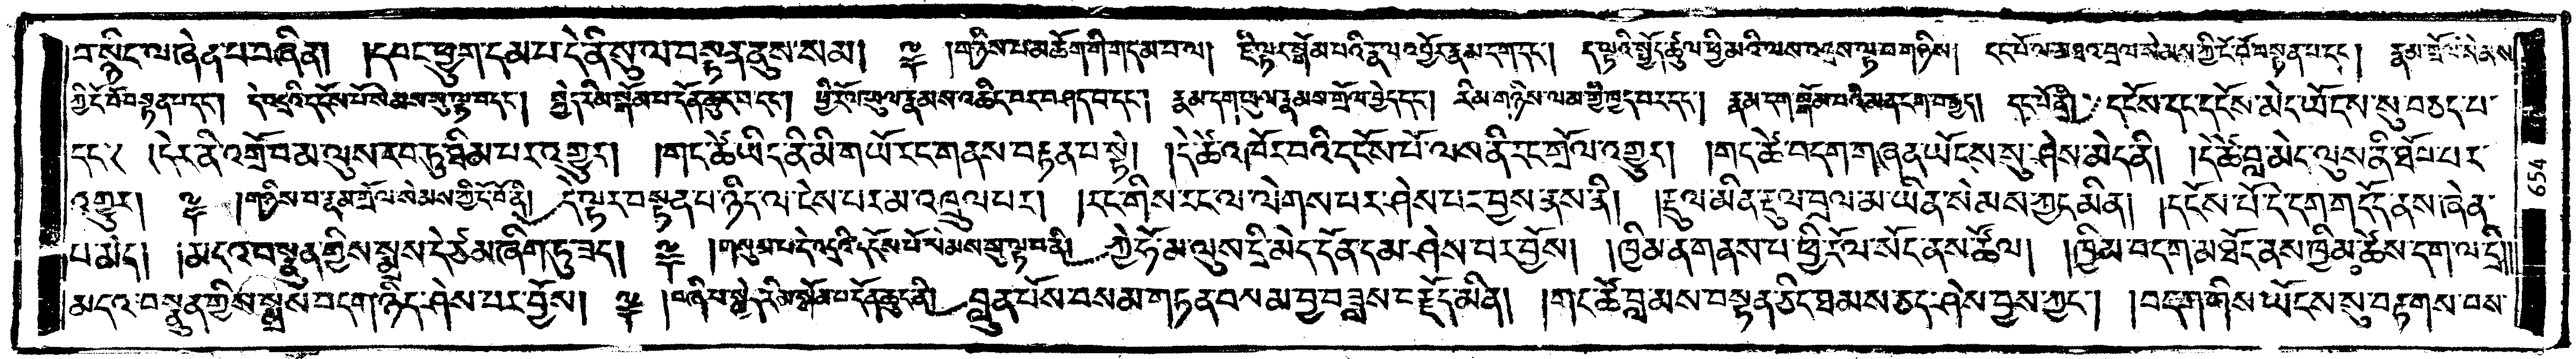བ་སྙིང་ལ་ཞེན་པ་བཞིན། །དབང་ཕྱུག་དམ་པ་དེ་ནི་སུ་ལ་བསྟན་ནུས་སམ། ༈ །གཉིས་པ་མཆོག་གི་གདམ་པ་ལ། ཇི་ལྟར་སྒོམ་པའི་རྣལ་འབྱོར་རྣམ་དག་དང་། ད་ལྟའི་སྤྱོད་ཚུལ་ཕྱི་མའི་ལས་འབྲས་ལྟ་བ་གཉིས། དད་པོ་ལ་མཐའ་བྲལ་སེམས་ཀྱི་ངོ་བོ་བསྟན་པ་དང་། རྣམ་གྲོལ་སེམས་
ཀྱི་ངོ་བོ་བསྟན་པ་དང་། དེ་འདྲའི་དངོས་པོ་སེམས་སུ་ལྟ་བ་དང་། སྐྱེད་རིམ་སྒོམ་པ་དོན་ཆུང་པ་དང་། ཕྱི་རོལ་ཟུལ་རྣམས་འཆིང་བར་བཤད་བ་དང་། རྣམ་དག་ཕུལ་རྣམས་གྲོལ་བྱེད་དང་། རིམ་གཉིས་ལམ་གྱི་ཁྱད་པར་དང་། རྣམ་དག་སྒོམ་པའི་མན་ངག་བརྒྱད། དང་པོ་ནི། དངོས་དང་དངོས་མེད་ཡོངས་སུ་བཅད་པ་
དང༑ ༑དེར་ནེ་འགྲོ་བ་མ་ལུས་རང་ཏུ་ཐིམ་པར་འགྱུར། །གང་ཚེ་ཡིད་ནི་མི་གཡོ་རང་གནས་བརྟན་པ་སྟེ། །དེ་ཚེ་འཁོར་བའི་དངོས་པོ་ལས་ནི་རང་གྲོལ་འགྱུར། །གང་ཚེ་བདག་གཞན་ཡོངས་སུ་ཤེས་མེད་ནི། །དེ་ཚེ་བླ་མེད་ལུས་ནི་ཐོབ་པར་
འགྱུར། །གཉིས་པ་པ་རྣམ་གྲོལ་སེམས་ཀྱི་ངོ་བོ་ནི། དེ་ལྟར་བསྟན་པ་ཉིད་ལ་ངེས་པར་མ་འཁྲུལ་པར། །རང་གིས་རང་ལ་ལེགས་པར་ཤེས་པར་བྱས་ནས་ནི། །རྔུལ་མིན་རྔུལ་བྲལ་མ་ཡིན་སེམས་ཀྱང་མིན། །དངོས་པོ་དེ་དག་གདོད་ནས་ཞེན་
པ་མེད། །མངའ་བསྣུན་གྱིས་སྨྲས་དེ་ཙམ་ཞིག་ཏུ་ཟད། ༈ །གསུམ་པ་དེ་འདྲའི་དངོས་པོ་སེམས་སུ་ལྟ་བ་ནི། ཀྱེ་ཧོ་མ་ལུས་དྲི་མེད་དོན་དམ་ཤེས་པར་བྱོས། །ཁྱིམ་ན་གནས་པ་ཕྱི་རོལ་སོང་ནས་ཚོལ། །ཁྱིམ་བདག་མཐོང་ནས་ཁྱིམ་ཚེས་དག་ལ་དྲི། །
མདའ་བསྣུན་གྱིས་སྨྲས་བདག་ཉིད་ཤེས་པར་བྱོས། ༈ །བཞི་པ་སྐྱེད་རིམ་སྒོམ་པ་དོན་ཆུང་ནི། བླུན་པོས་བསམ་གཏན་བསམ་བྱ་བཟླས་བརྗོད་མིན། །གང་ཚེ་བླ་མས་བསྟན་ཅིང་ཐམས་ཅད་ཤེས་བྱས་ཀྱང་། །བདག་གིས་ཡོངས་སུ་བརྟགས་བས་